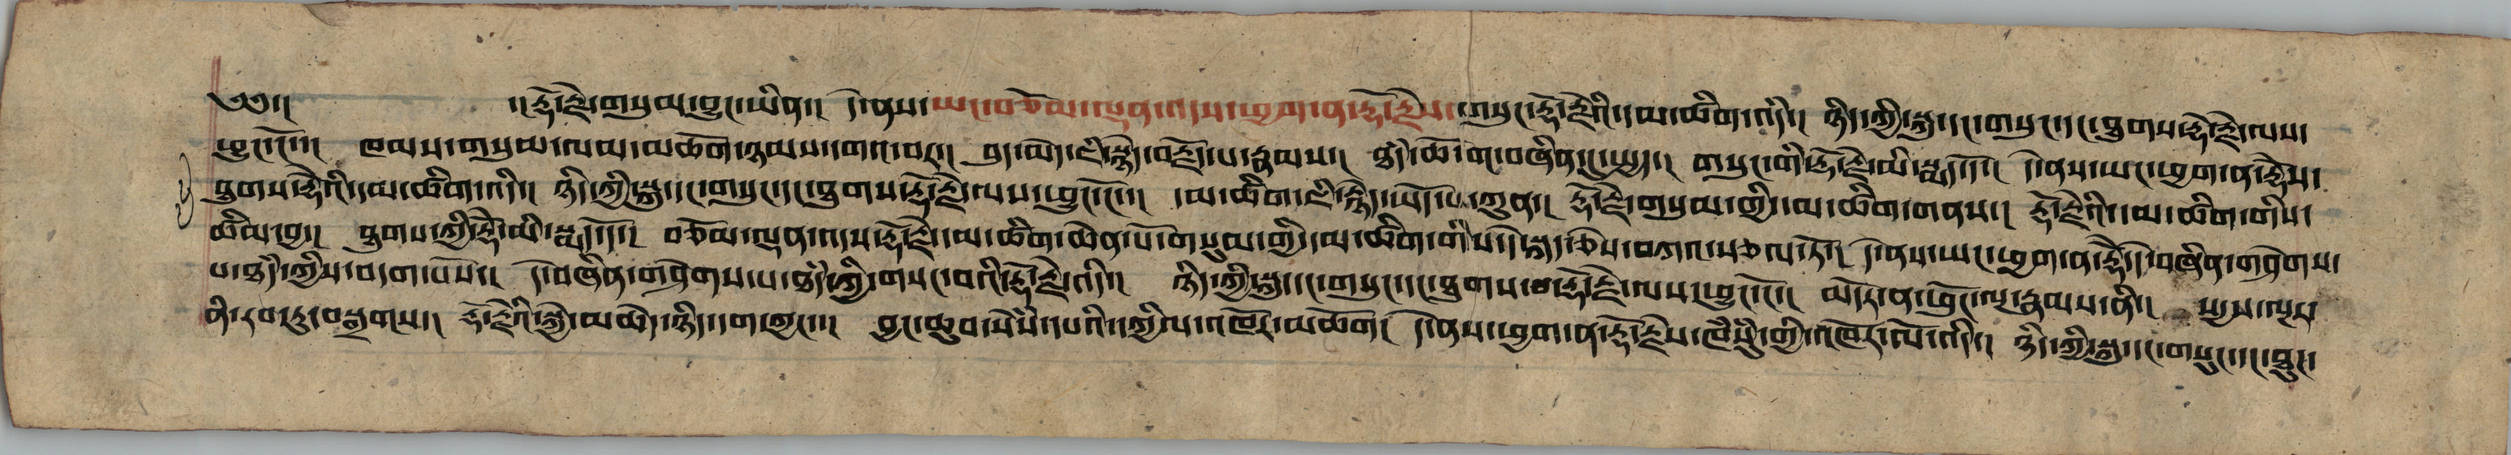༄༅་། ་།རྡོ་རྗེ་གསུམ་བྱུང་ཡིན་། དེ་ནས་ཡང་བཅོམ་ལྡན་འདས་ཕྱག་ན་རྡོ་རྗེས་གསུང་རྡོ་རྗེའི་དམ་ཚིག་འདི་། ཉིད་ཀྱི་སྐུ་དང་གསུང་དང་ཐུགས་རྡོ་རྗེ་ལས་
ཕྱུང་ངོ་་། ཁམས་གསུམ་ལམ་མཆོག་ཉམས་དགའ་བར་། བུད་མེད་ཇི་སྙེད་བརྗོད་པ་རྣམས་། ཐཾད་ཆོ་ག་བཞིན་དུ་སྤྱད་། གསུང་གི་རྡོ་རྗེ་མི་སྨད་དོ་། དེ་ནས་ཡང་ཕྱག་ན་རྡོེས་
ཐུགས་རྡོེའི་དམ་ཚིག་འདི་། ཉིད་ཀྱི་སྐུ་དང་གསུང་དང་ཐུགས་རྡོ་རྗེ་ལས་ཕྱུང་ངོ་་། དམ་ཚིག་ཇི་རྙེད་ཡོད་པ་ཀུན་། རྡོ་རྗེ་གསུམ་གྱི་དམ་ཚིག་གནས་། རྡོ་རྗེའི་དམ་ཚིག་གིས་
ཚིམ་བྱ་། ཐུགས་ཀྱི་རྡོེ་མི་སྨད་དོ་། བཅོམ་ལྡན་འདས་རྡོ་རྗེ་དམ་ཚིག་ཆེན་པོ་གསུམ་གྱི་དམ་ཚིག་གིས་དེ་སྐད་ཅེས་བཀའ་སྩལ་ཏོ་། དེ་ནས་ཡང་ཕྱག་ན་རྡོེ་དེ་བཞིན་གཤེགས་
པ་ཐཾད་ཀྱིས་བདག་པོས་། དེ་བཞིན་གཤེགས་པ་ཐཾད་ཀྱི་གསང་བའི་རྡོ་རྗེ་འདི་། ཉིད་ཀྱི་སྐུ་དང་གསུང་དང་ཐུགས་རྡོ་རྗེ་ལས་ཕྱུང་ངོ་། མདོར་ན་ཕུངོ་ལྔ་རྣམས་ནི་། སདྱས་ལྔར་
ནི་རབ་ཏུ་བསྒྲགས་། རྡོ་རྗེའི་སྐྱེ་མཆེད་ཉིད་དག་ཀྱང་་། བྱང་ཆུབ་སེསཾ་དཔའི་དཀྱིལ་འཁོར་མཆོག། དེ་ནས་ཕྱག་ན་རྡོ་རྗེས་ཁཾསུཾ་གྱི་འཁོར་ལོ་འདི་། ཉིད་ཀྱི་སྐུ་དང་གསུང་དང་ཐུཌ་